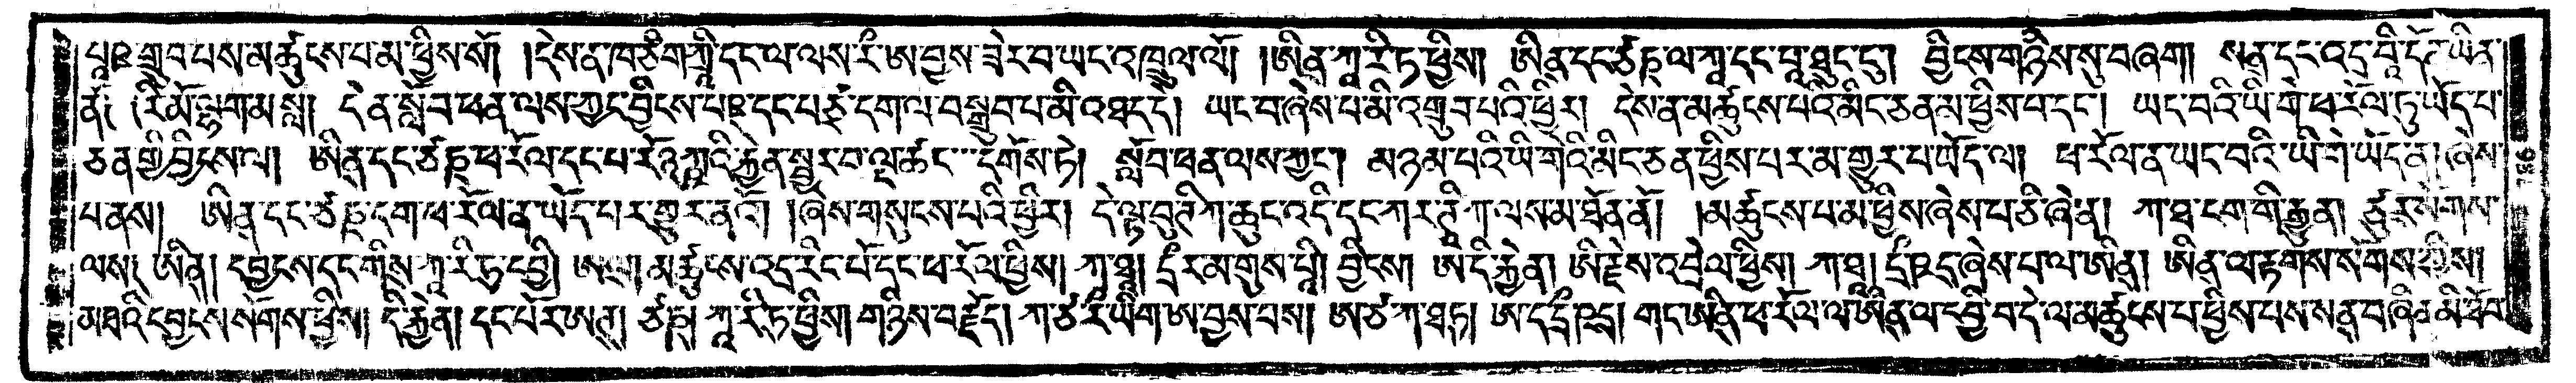པཱ་ཊཿཨ་གྲུབ་པས་མཚུངས་པ་མ་ཕྱིས་སོ། །དེས་ན་ཁ་ཅིག་ཀྲཱི་དང་ལ་ལས་རྀ་ཨ་བྱས་ཟེར་བ་ཡང་འཁྲུལ་ལོ། །ཨིན་ཀཱ་རི་ཏ་ཕྱིས། ཨིན་དང་ཙ་ཎ་ལ་ཀཱ་དང་པཱ་ཐུང་དུ། བྱིངས་གཉིས་སུ་བཞག། སན་དང་འདྲ་བཱི་དོན་ཡིན་
ནོ། །རི་མོ་ལྷག་མ་སླ། དེ་ན་སློབ་ཕན་ལས་ཀྱང་དབྱིངས་ཊཿཨ་དང་པཙྲ་དག་ལ་བསྒྲུབ་པ་མི་འཐད་དེ། ཡང་བཞེས་པ་མི་འགྲུབ་པའི་ཕྱིར། དེས་ན་མཚུངས་པའི་མིང་ཅན་མ་ཕྱིས་པ་དང་། ཡང་བའི་ཡི་གེ་ཕ་རོལ་ཏུ་ཡོད་པ་
ཅན་གྱི་དབྱིངས་ལ། ཨིན་དང་ཙཎ་ཕ་རོལ་དང་པ་རོ་ཉཀྵའི་རྐྱེན་སྦྱར་བ་ལྔ་ཚང་དགོས་ཏེ། སློབ་ཕན་ལས་ཀྱང་། མཉམ་པའི་ཡི་གེའི་མིང་ཅན་ཕྱིས་པར་མ་གྱུར་པ་ཡོད་ལ། ཕ་རོལ་ན་ཡང་བའི་ཡི་གེ་ཡོན་ན། ཞེས་
པ་ནས། ཨིན་དང་ཙཎ་དག་ཕ་རོལ་ན་ཡོད་པར་གྱུར་ནའོ། །ཞེས་གསུངས་པའི་ཕྱིར། དེ་ལྟ་བུ་ཊི་ཀ་ཆུང་འདི་དང་ཀར་ཊཱི་ཀ་ལས་མ་ཐོན་ནོ། །མཚུངས་པ་མ་ཕྱིས་ཞེས་པ་ཅི་ཞེ་ན། ཀ་ཐཱ་ངག་གི་རྒྱུན། ཙུར་སོགས་
ལས། ཨིན། དབྱངས་དང་གིས་ཀཱ་རི་ཏྲ་དབྱི། ཨལ?། མཚུངས་འདྲ་རིང་པོ་དང་ཕ་རོལ་ཕྱིས། ཀཱ་ཐཱ། ཌྲིར་མ་གུས་པཱི། བྱིངས། ཨ་དི་རྐྱེན། ཨི་རྗེས་འབྲེལ་ཕྱིས། ཀ་ཐཱ། ཌྲྀ་ཥད་ཞེས་པ་ལ་ཨིན་ལ་རྟགས་སོགས་ཀྱིས།
མཐའི་དབྱངས་སོགས་ཕྱིས། དི་རྐྱེན། དང་པོར་ཨཊ། ཙཎ། ཀཱ་རི་ཏྲ་ཕྱིས། གཉིས་བརྗོད། ཀ་ཙ་རྀ་ཡིག་ཨ་བྱས་པས། ཨ་ཙ་ཀ་ཐཏྲ། ཨ་ད་དྲི་ཥང་། གང་ཨིན་ཕ་རོལ་ལ་ཨིན་ལ་དབྱི་བ་དེ་ལ་མཚུངས་པ་ཕྱིས་པས་ས་ནུ་བཞིན་ཐོབ་